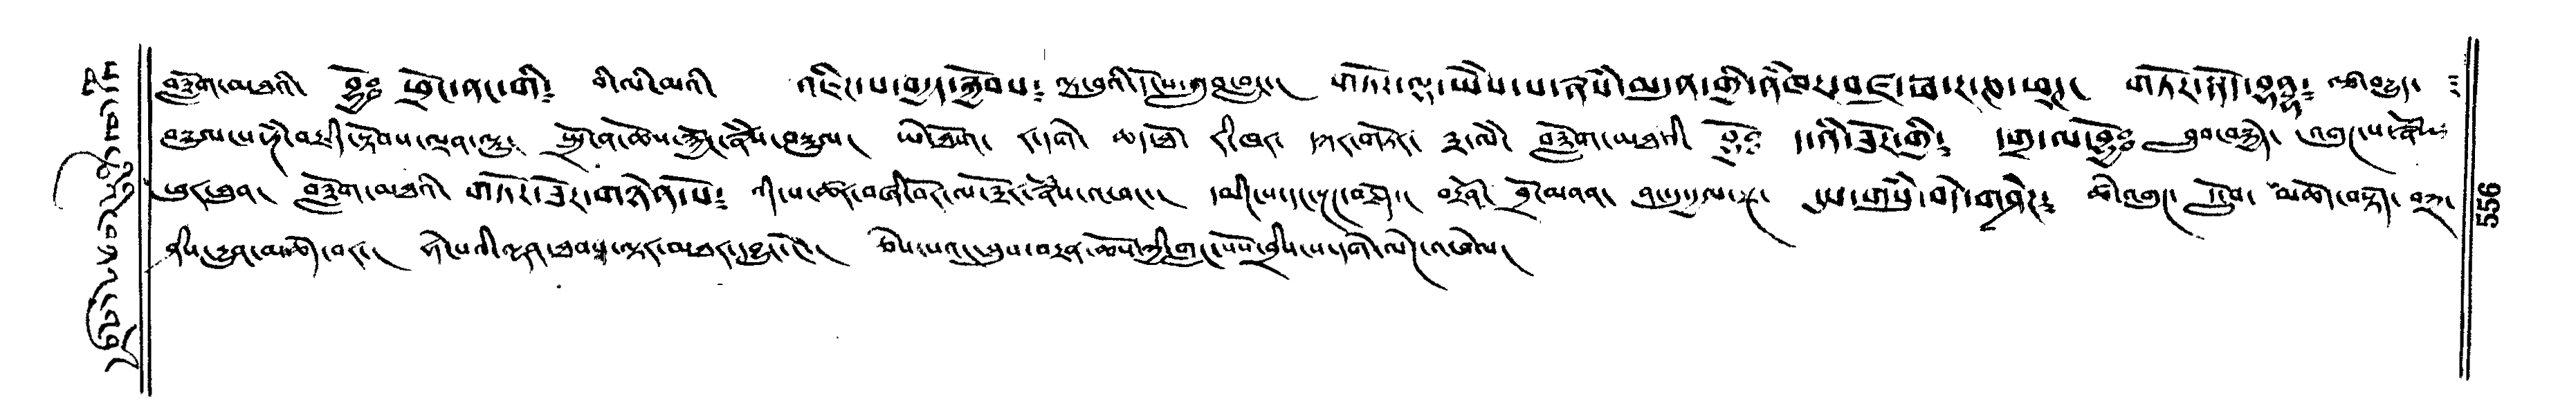བཟློག་མཐའི། བྷྱོཿ ཕོ་བྲང་ནང་གི༴ བི་ལི་མའི། འཇིགས་པ་བརྒྱད་སྐྱོབ༴ ལྟ་བུས་དངོས་གྲུབ་བླང་། གཏོར་ལྷ་ཡེ་ཤེས་པ་རྣམས་མདུན་གྱི་ནམ་མཁར་བཛྲ་སྥ་ར་ཎ་ཕཊ། གཏོར་སྣོད་བྷནྡྷ༴ རྩ་བརྒྱུད་
བསྐུལ་པ་རྔམ་བརྗིད་སྟོབས་ལྡན་ལྟ་བུ། སྤྲོ་ན་ཆོས་སྐྱོང་རྣམས་བསྐུལ། ཡེ་ཐོག ར་དགེ ཆད་ཐོ། རི་ཁར། དཀར་གཏོར། ཟ་ལམ། བཟློག་མཐའི། བྷྱོཿ ད་ནི་ཟོར་གྱི༴ དགྲ་ལ་བྷྱོཿ བྲུབ་བསྐྱེད། འགུགས་པ་རྣམས་
ཕུར་ཐུན། བཟློག་མཐའི། གཏོར་ཟོར་གཉེན་པོ༴ འདི་པ་ཚར་བཞི་བོར་ལ་ཟོར་རྣམས་འཕང་། དམིགས་པ་དང་སྔགས་བརྗོད། བརྟན་མ། བྲོ་མནན། ནང་དུ་རྒྱལ་རྟགས། དུས་གསུམ་བདེ་གཤེགས༴ ཚེ་འགུགས། དངོས་གྲུབ། མཆོད་བསྟོད། བཀྲ་
ཤིས་རྒྱུན་མཆོད་བར།ཧེ་པའི་ལྷན་ཐབས་ལྟར་མཐར་དབྱུང་ངོ་། ཅེས་པའང་ཐུབ་བསྟན་ཆོས་ཀྱི་གླང་པོས་བྲིས་པ་དགེ་ལེགས་འཕེལ། མངྒ་ལཾ།།